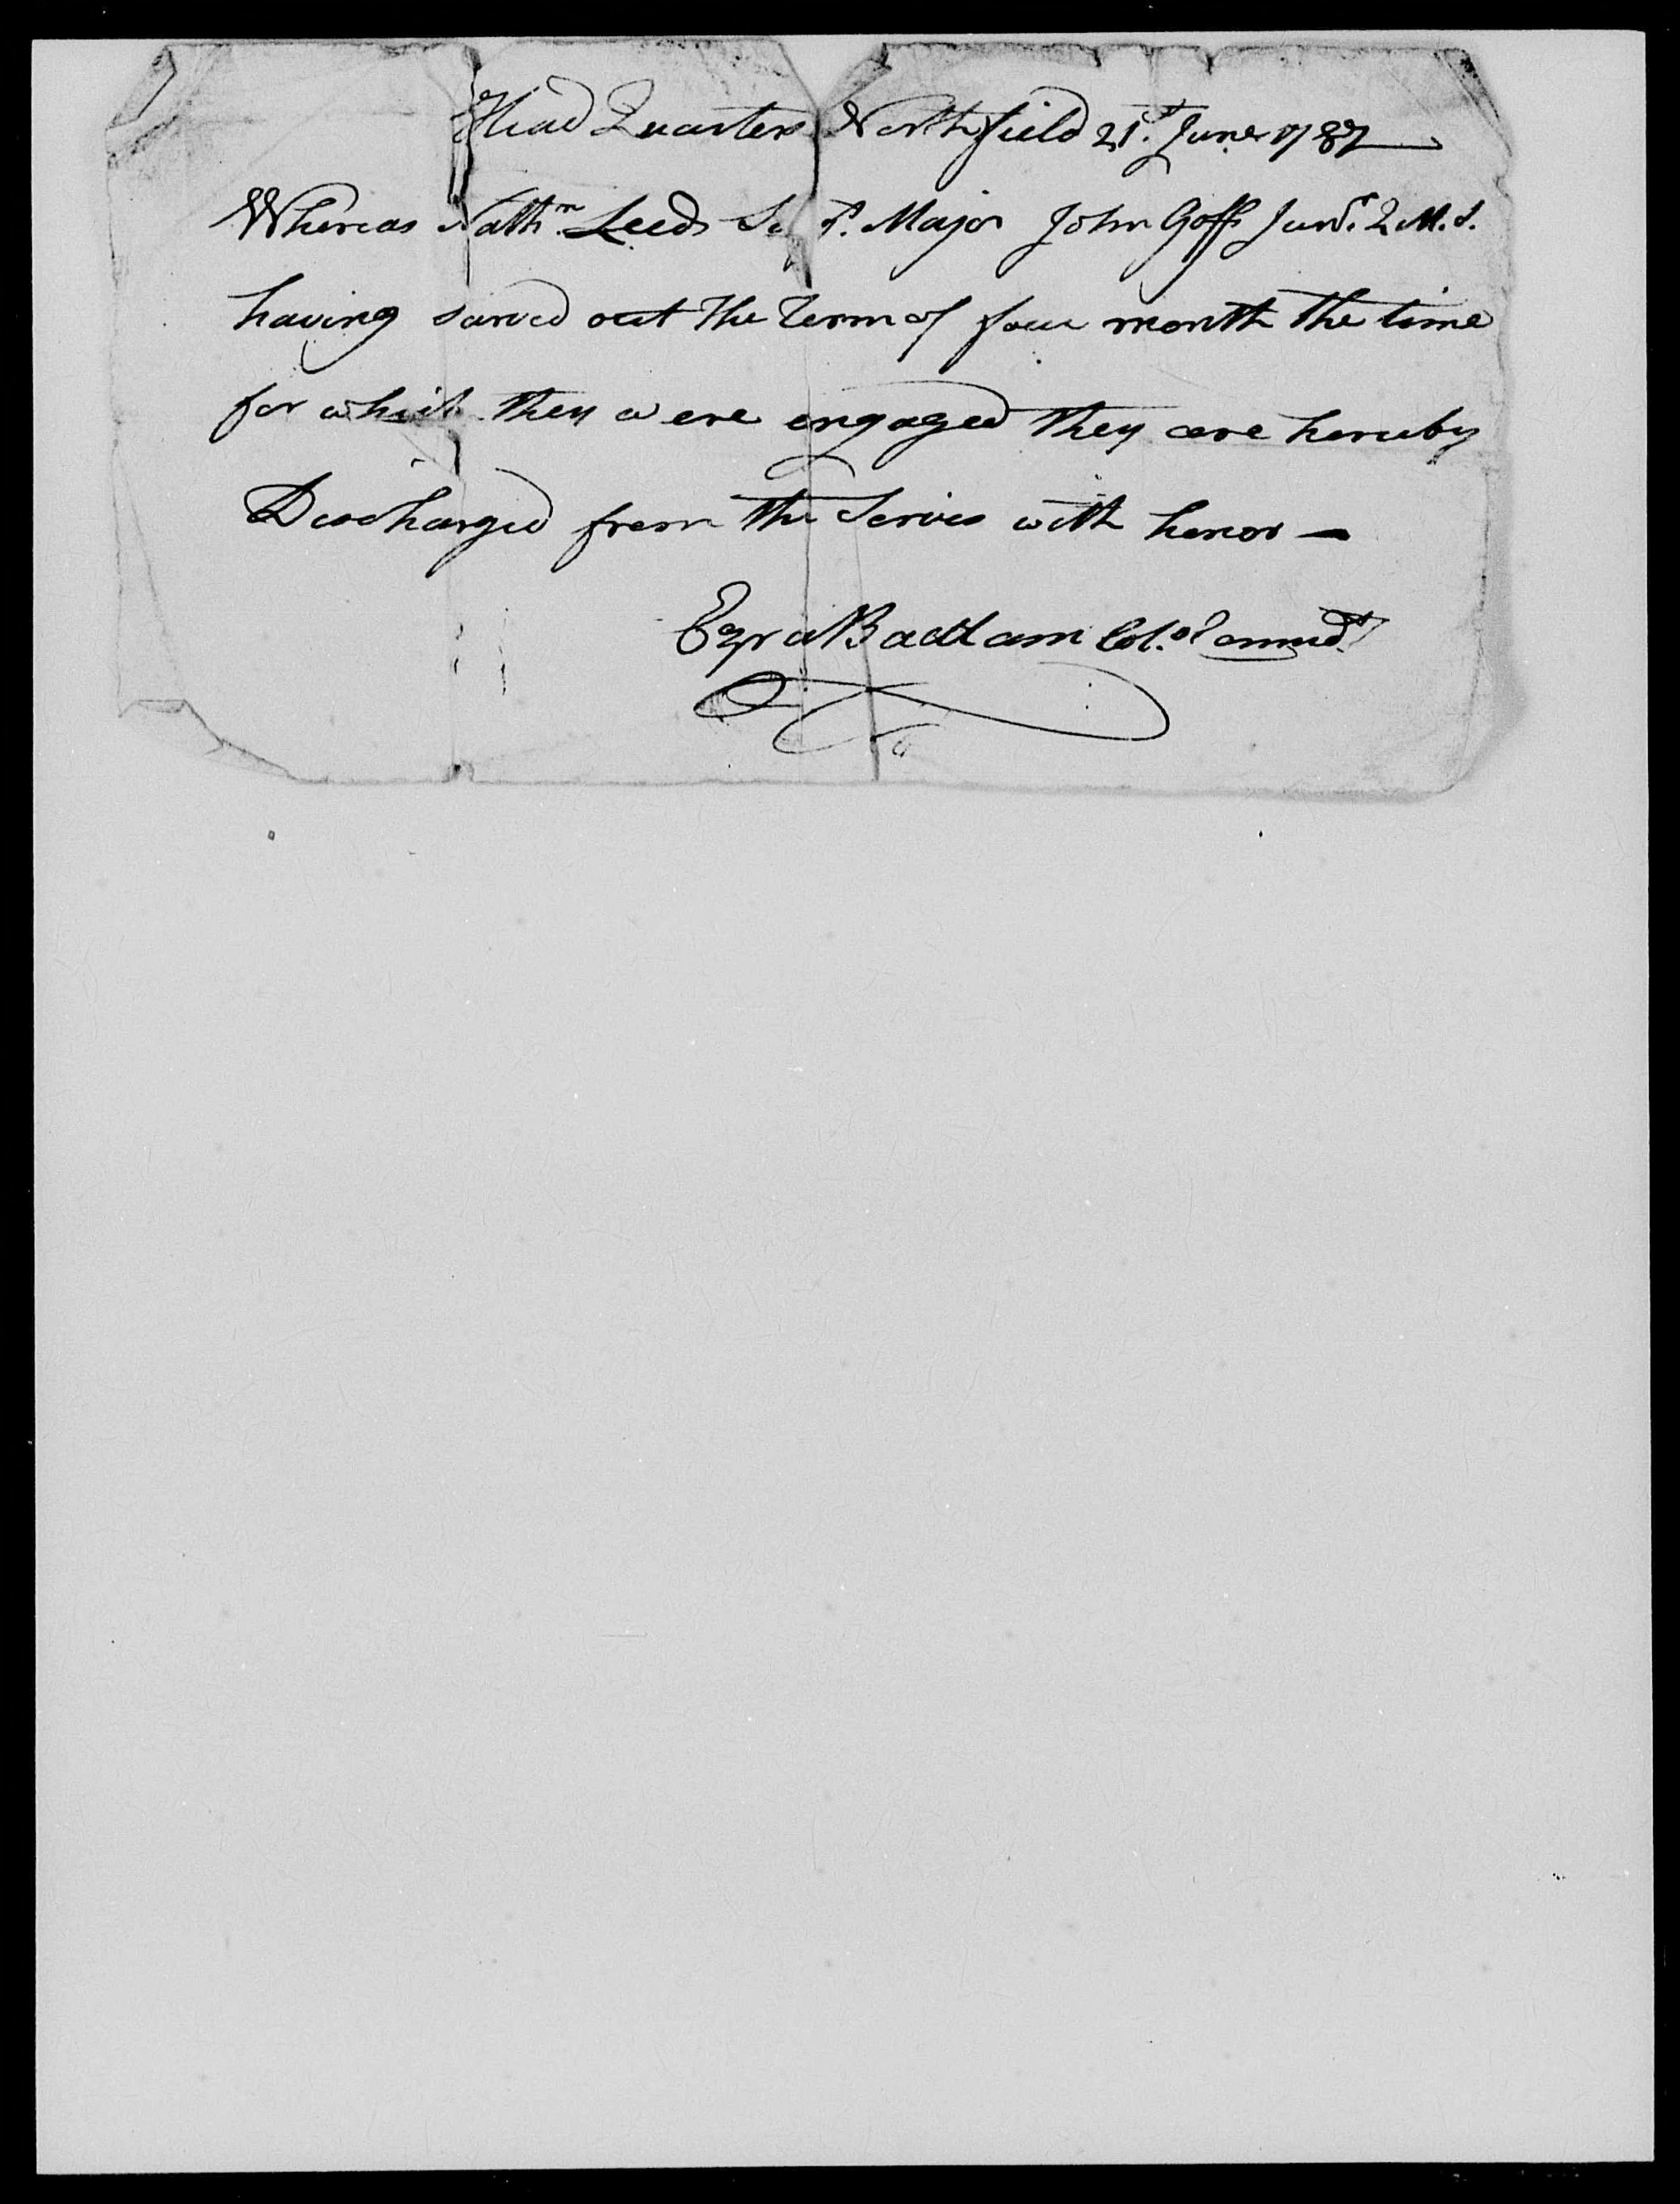Head Quarter Northfield 21 June 1787
Whereas Nathan Leeds Sgt Major John Goff Jun L.M.D. having served out the term of four month the time for which they were engaged they are hereby
Discharged from the service with hereof
Ezra Kallam Col [illegible]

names: Nathn Leeds; Ezra Badlam; John Goff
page: 20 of 33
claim: widow's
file: W. 21,567, for Nathan Leeds, Massachusetts